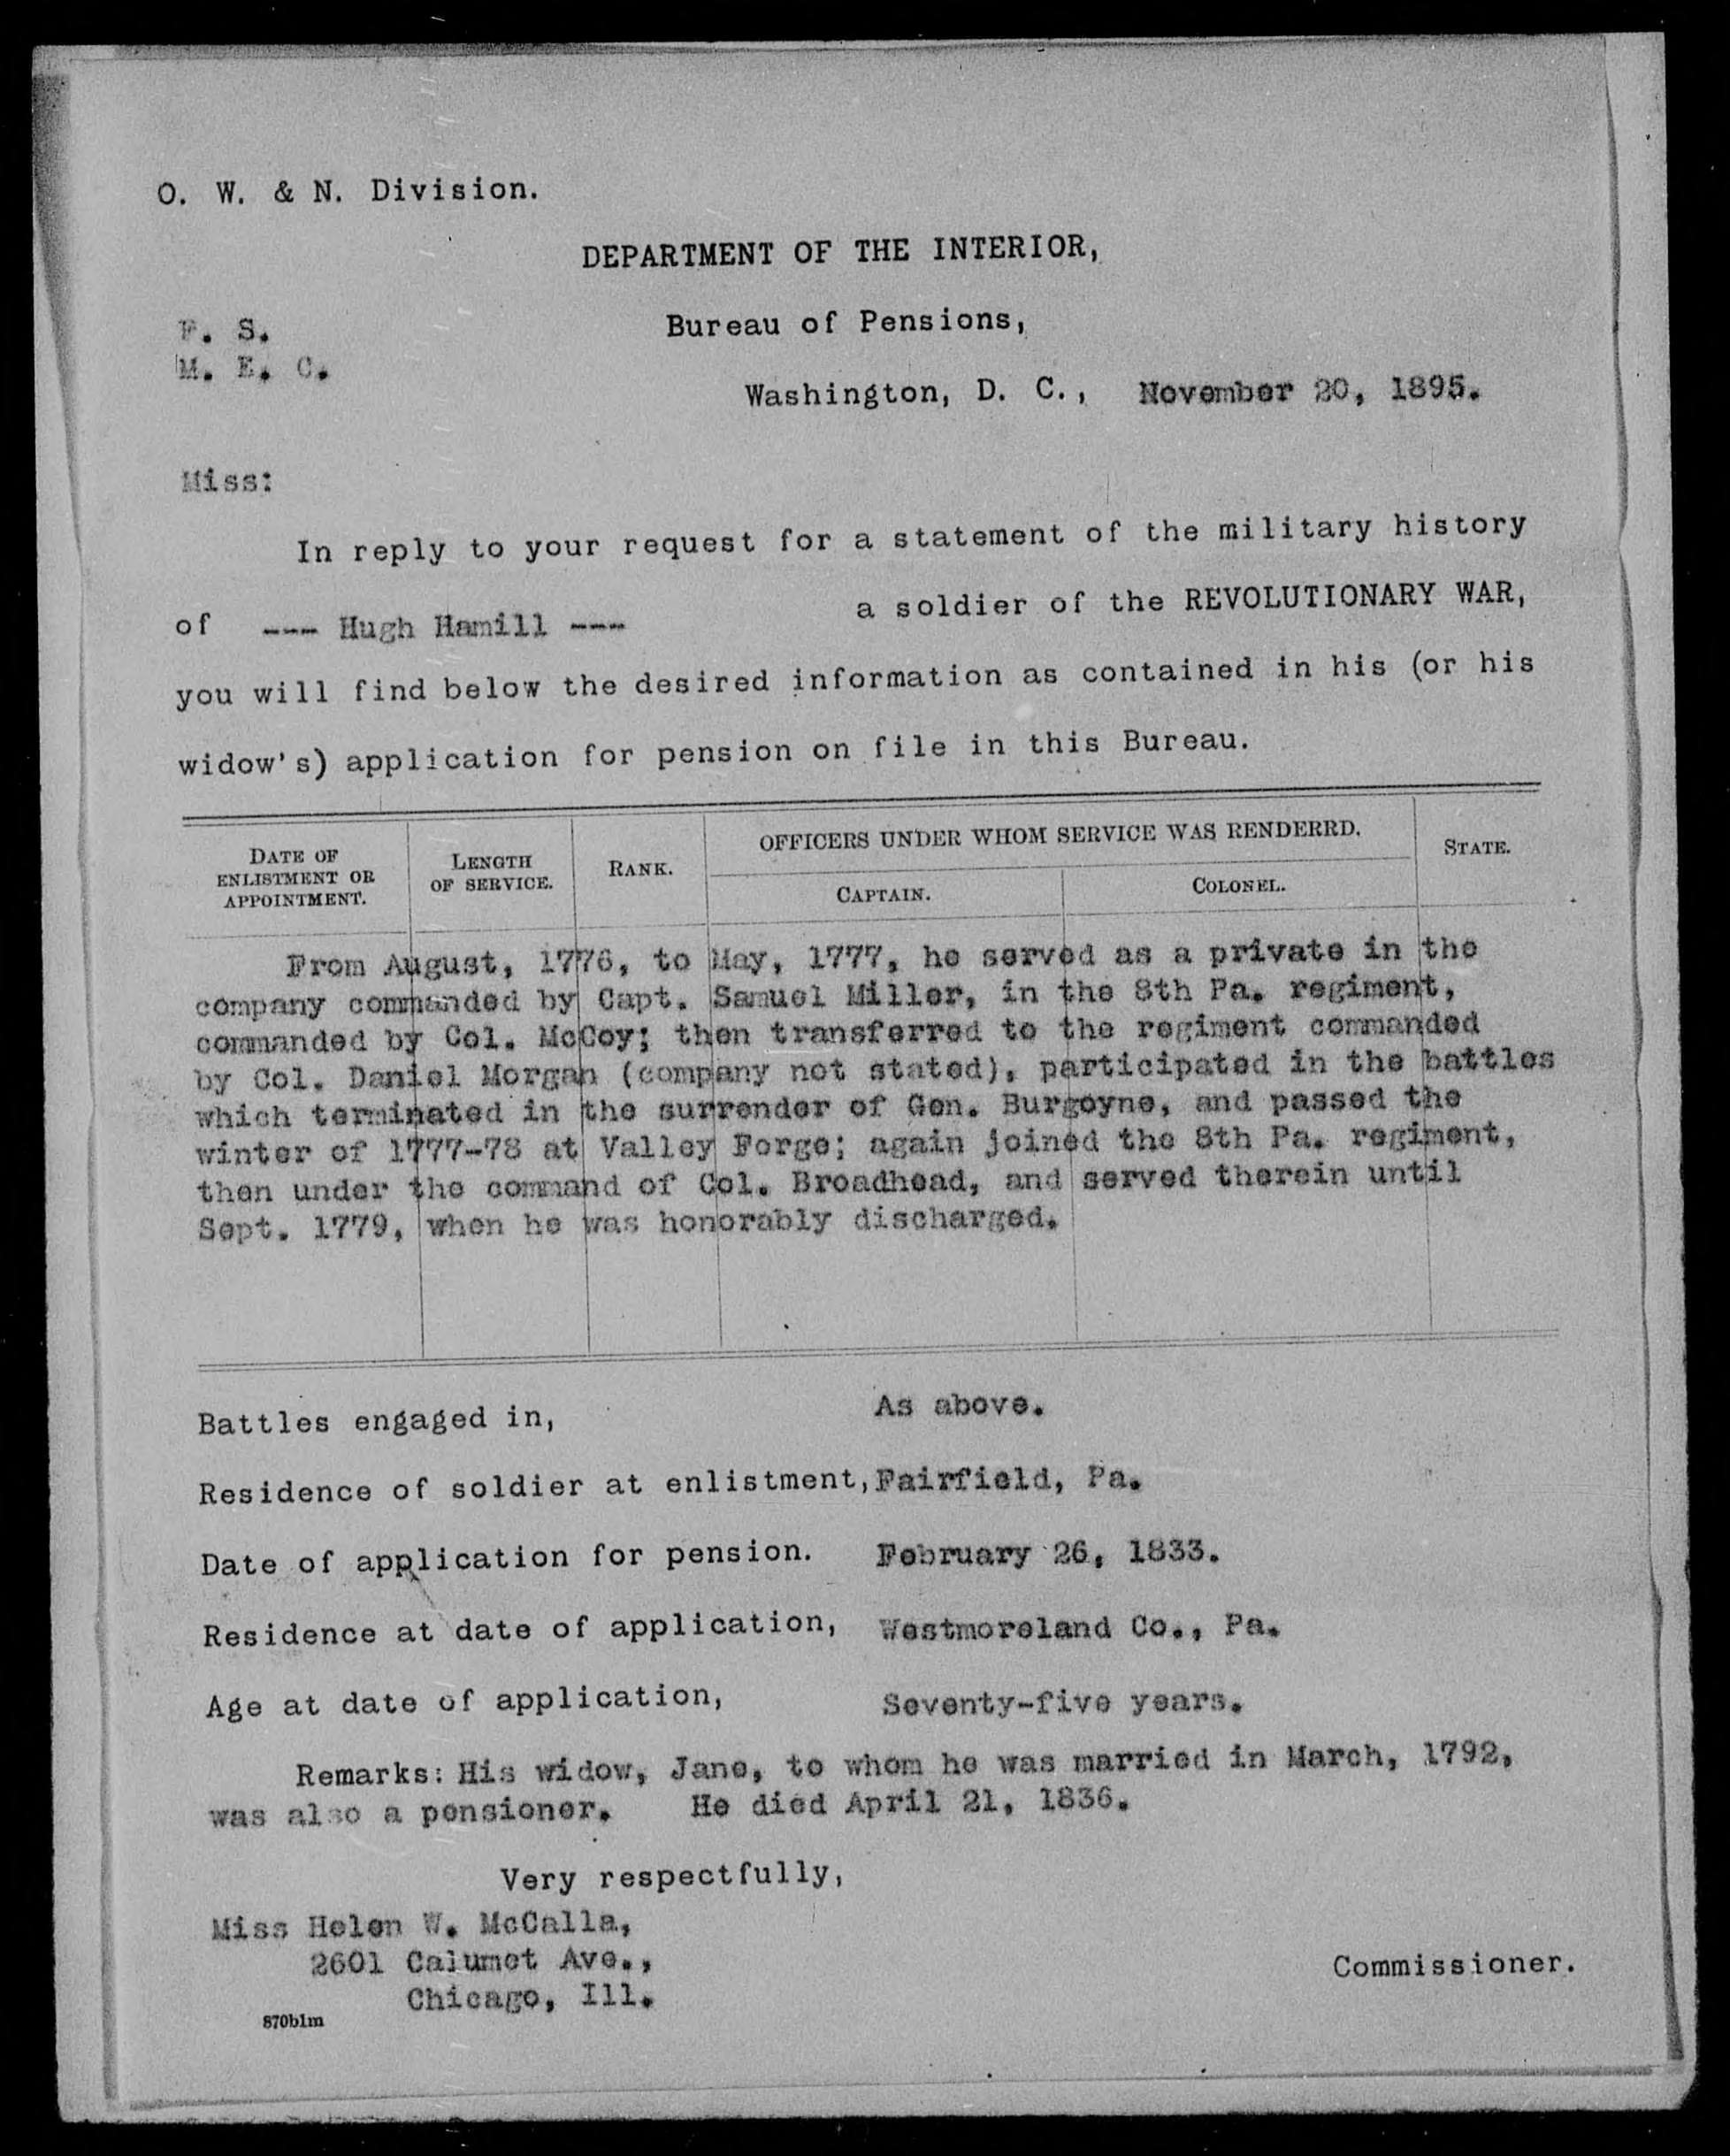O. W. & N. Division.
F. S.
M. E. C.

DEPARTMENT OF THE INTERIOR,
Bureau of Pensions,
Washington, D. C., November 20, 1895.

Miss:
In reply to your request for a statement of the military history of -- Hugh Hamill -- a soldier of the REVOLUTIONARY WAR, you will find below the desired information as contained in his (or his widow's) application for pension on file in this Bureau.

[Headings in CAPS]
DATE OF ENLISTMENT OR  APPOINTMENT.
LENGTH OF SERVICE.
RANK.
OFFICERS UNDER WHOM SERVICE WAS RENDERED.
CAPTAIN. COLONEL.
STATE.

From August, 1776, to May, 1777, he served as a private in the company commanded by Capt. Samuel Miller, in the 8th Pa. regiment,
commanded by Col. McCoy; then transferred to the regiment commanded by Col. Daniel Morgan (company not stated), participated in the battles which terminated in the surrender of Gen. Burgoyne, and passed the winter of 1777-78 at Valley Forge; again joined the 8th Pa. regiment, then under the command of Col. Broadhead, and served therein until
Sept. 1779, when he was honorably discharged,

Battles engaged in,
As above
Residence of soldier at enlistment, Fairfield, Pa.
Date of application for pension.
February 26, 1833.
Residence at date of application,
Westmoreland Co., Pa.
Age at date of application,
Seventy-five years.
Remarks: His widow, Jane, to whom he was married in March, 1792, was also a pensioner. He died April 21, 1836.

Very respectfully,
Miss Helen W. McCalla,
2601 Calumet Ave.,
Chicago, Ill.
Commissioner.

870blm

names: Hugh Hamill, Samuel Miller, Broadhead, Burgoyne, Mc Coy, Helen W Mc Calla, Daniel Morgan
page: 53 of 92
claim: widow's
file: W 1173, Robert Hamill, Penn.